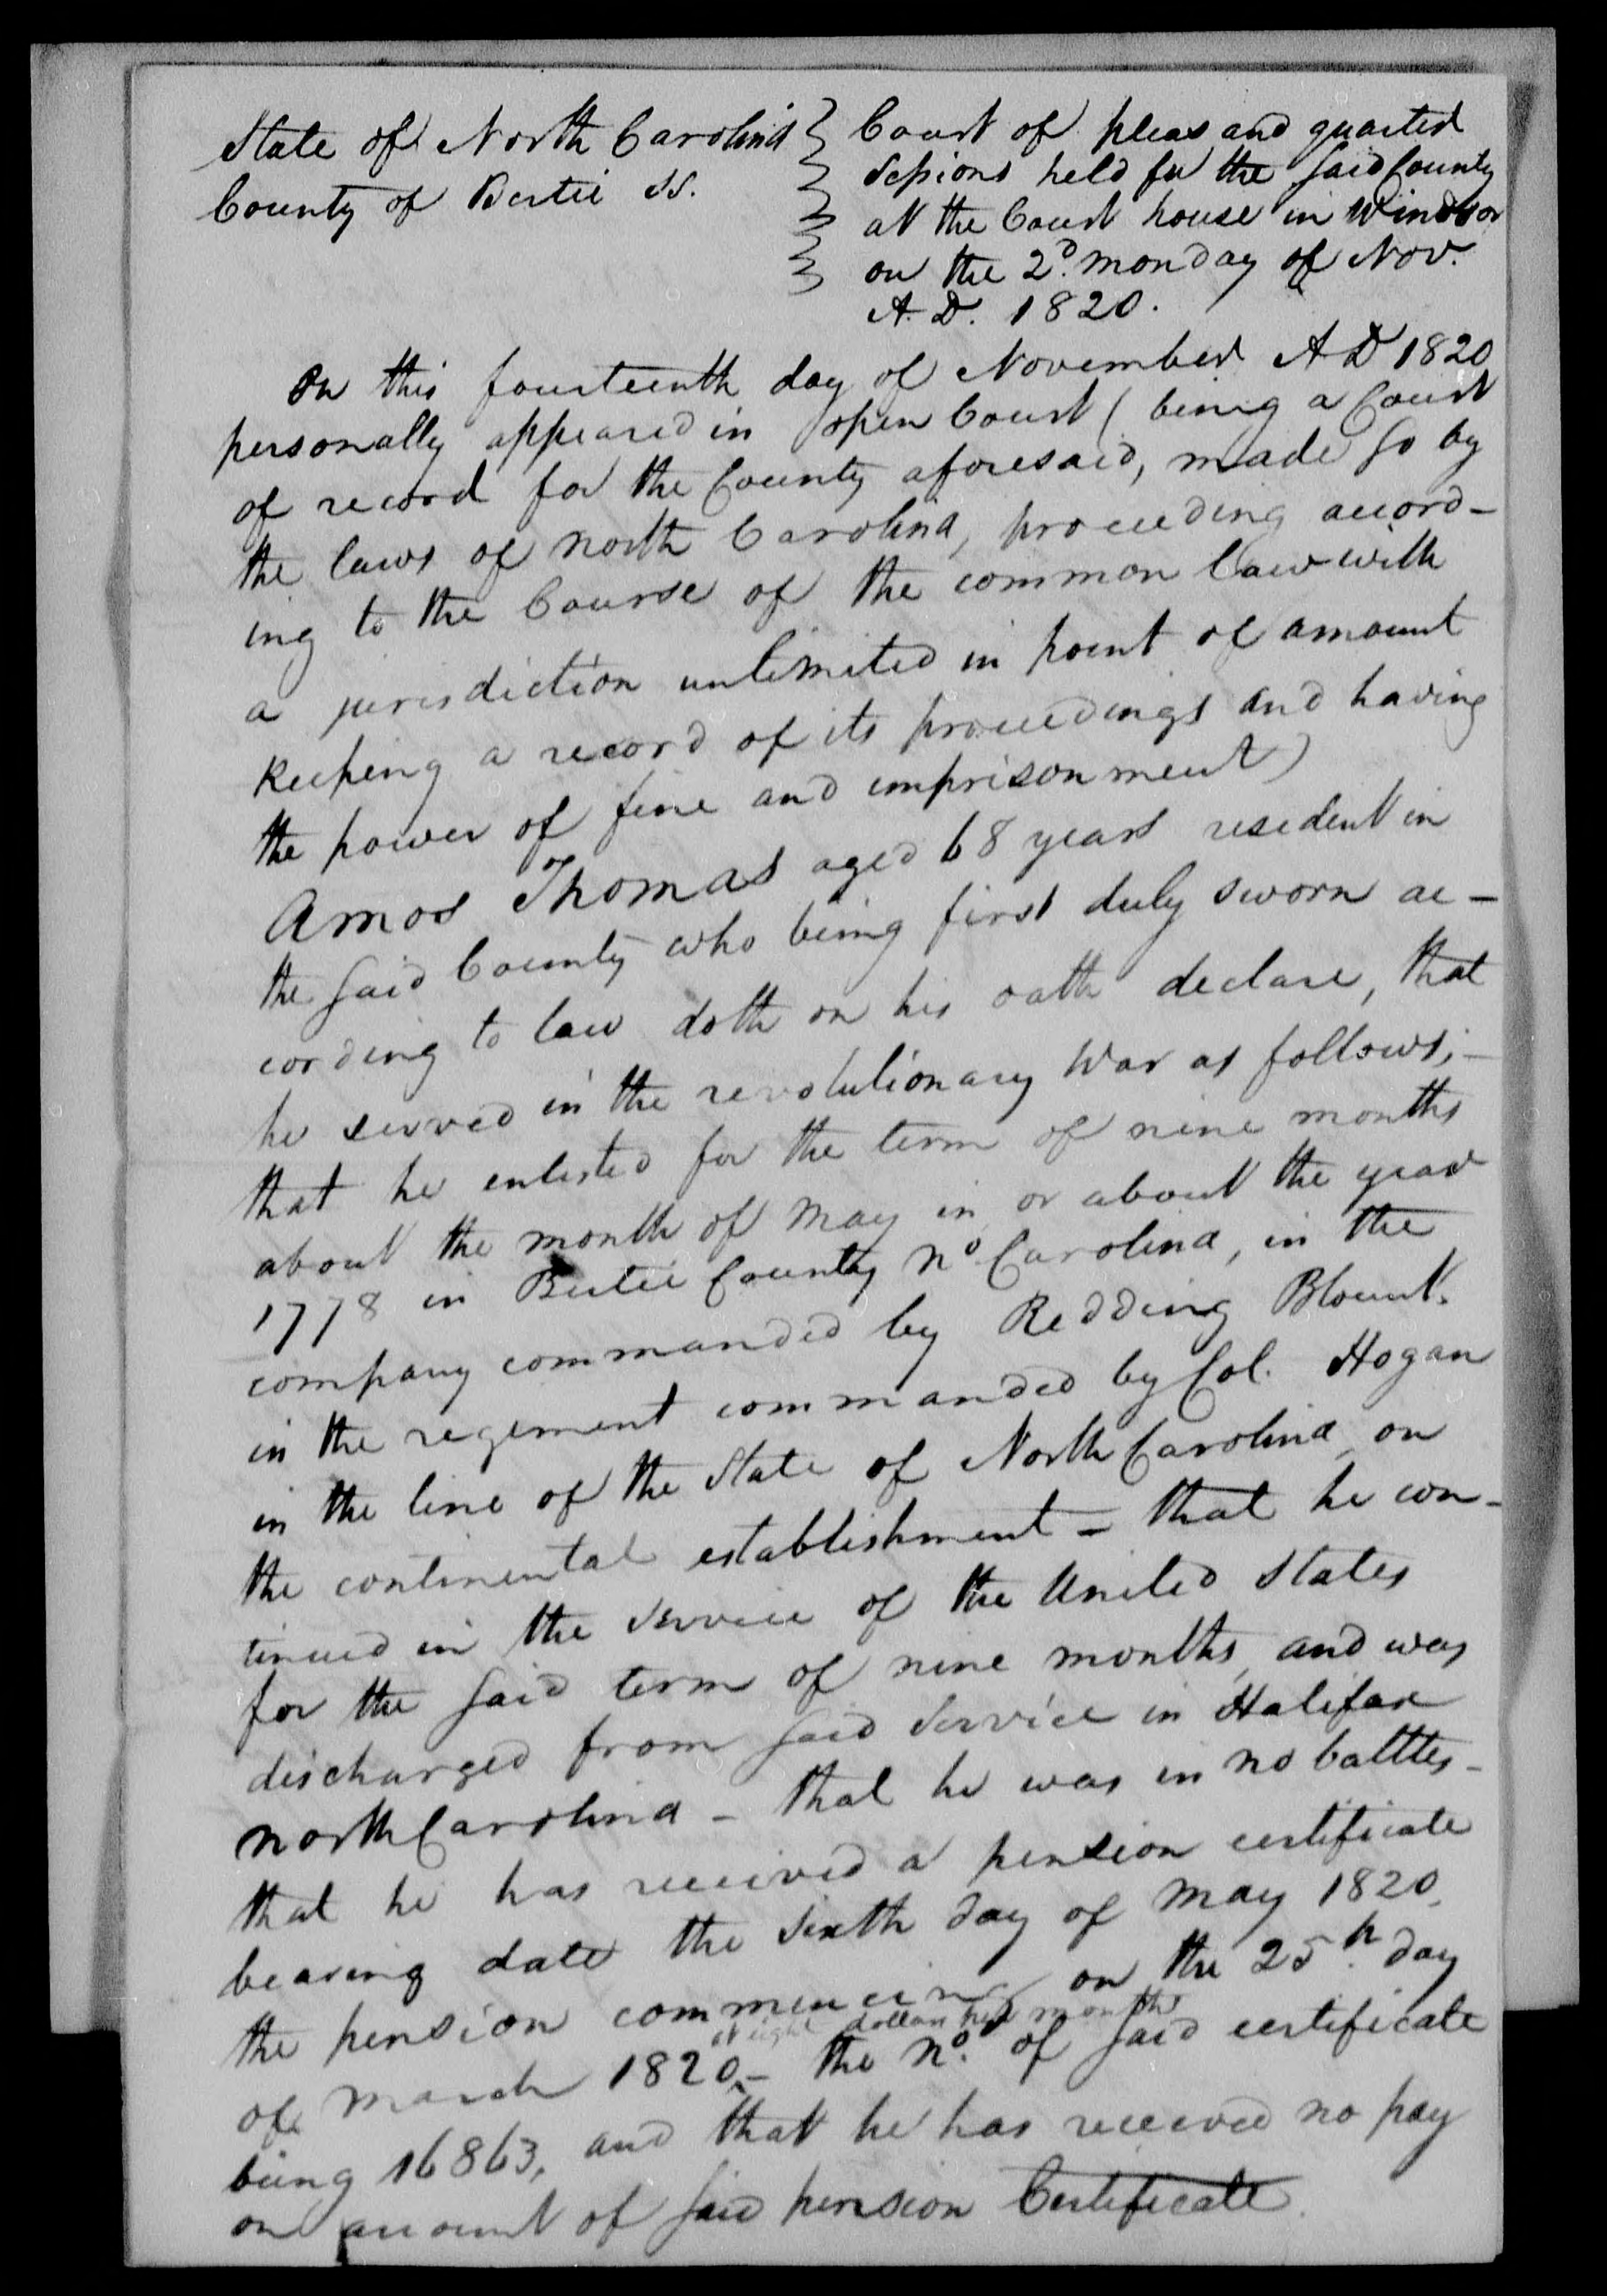State of North Carolina
County of Bertie SS.
Court of pleas and quarter
Sessions held for the said County
at the Court house in Windsor
on the 2d Monday of Nov. A.D. 1820.
On this fourteenth day of November AD 1820
personally appeared in open Court (being a Court
of record for the County aforesaid, made so by
the laws of North Carolina, proceeding according to the course of the common law with
jurisdiction unlimited in point of amount
keeping a record of its proceedings and having
the power of fine and imprisonment)
Amos Thomas aged 68 years resident in
the said County who being first duly sworn according to law doth on his oath declare, that
he served in the Revolutionary War as follows,
that he enlisted for the term of nine months
about the month of May in or about the year
1778 in Bertie County N Carolina, in the
company commanded by Redding Blount
in the regiment commanded by Col. Hogan
in the line of the State of North Carolina on
the continental establishment-- that he 
continued in the service of the United States
for the said term of nine months, and was
discharged from said service in Halifax
North Carolina- that he was in no battles -
that he has received a pension certificate
bearing date the sixth day of May 1820
the pension commencing on the 25th day of
March 1820 - the No. of said certificate
being 16863, and that he has received no pay
on account of said pension certificate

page: 4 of 13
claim: survivor's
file: S. 42041, for Amos Thomas, North Carolina